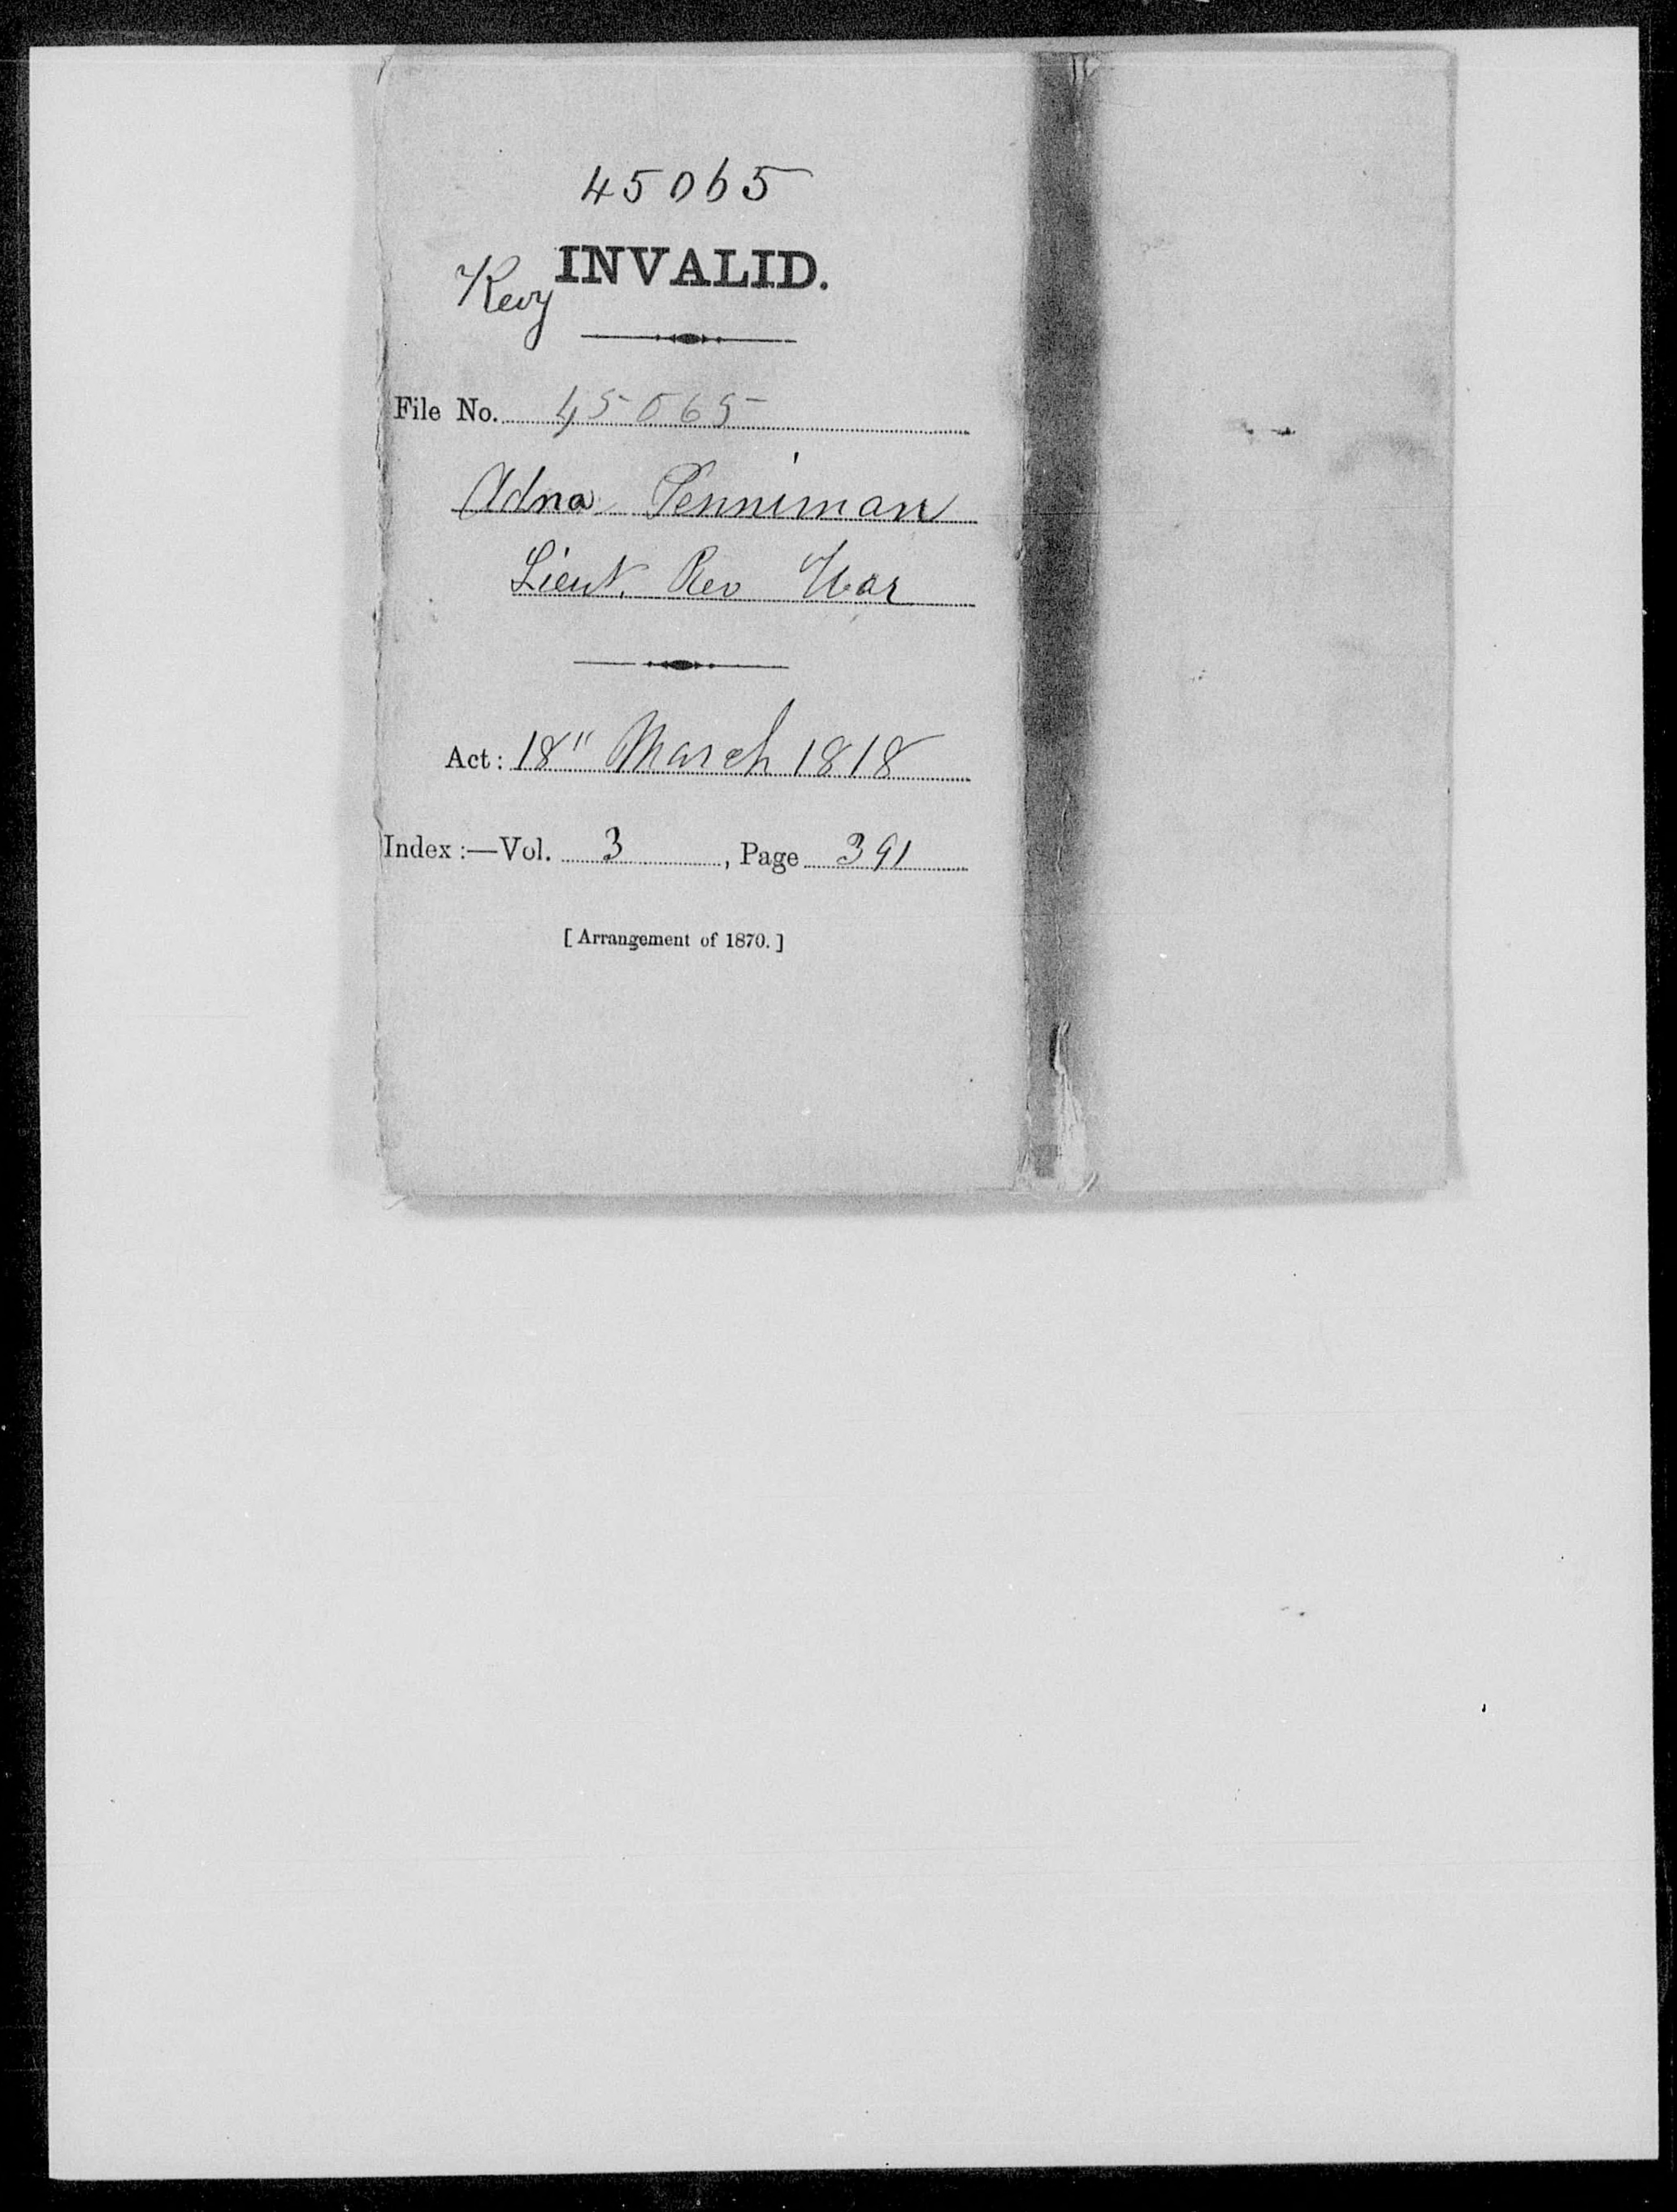45065
INVALID.
[illegible]

File No. 45065

Adna Penniman
Lieut. Rev War

Act: 18 March 1818
Index: -- Vol. 3, Page 391

[Arrangement of 1870.]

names: Adna Penniman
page: 13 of 13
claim: survivor's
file: S. 45065, for Adna Penniman, Massachusetts